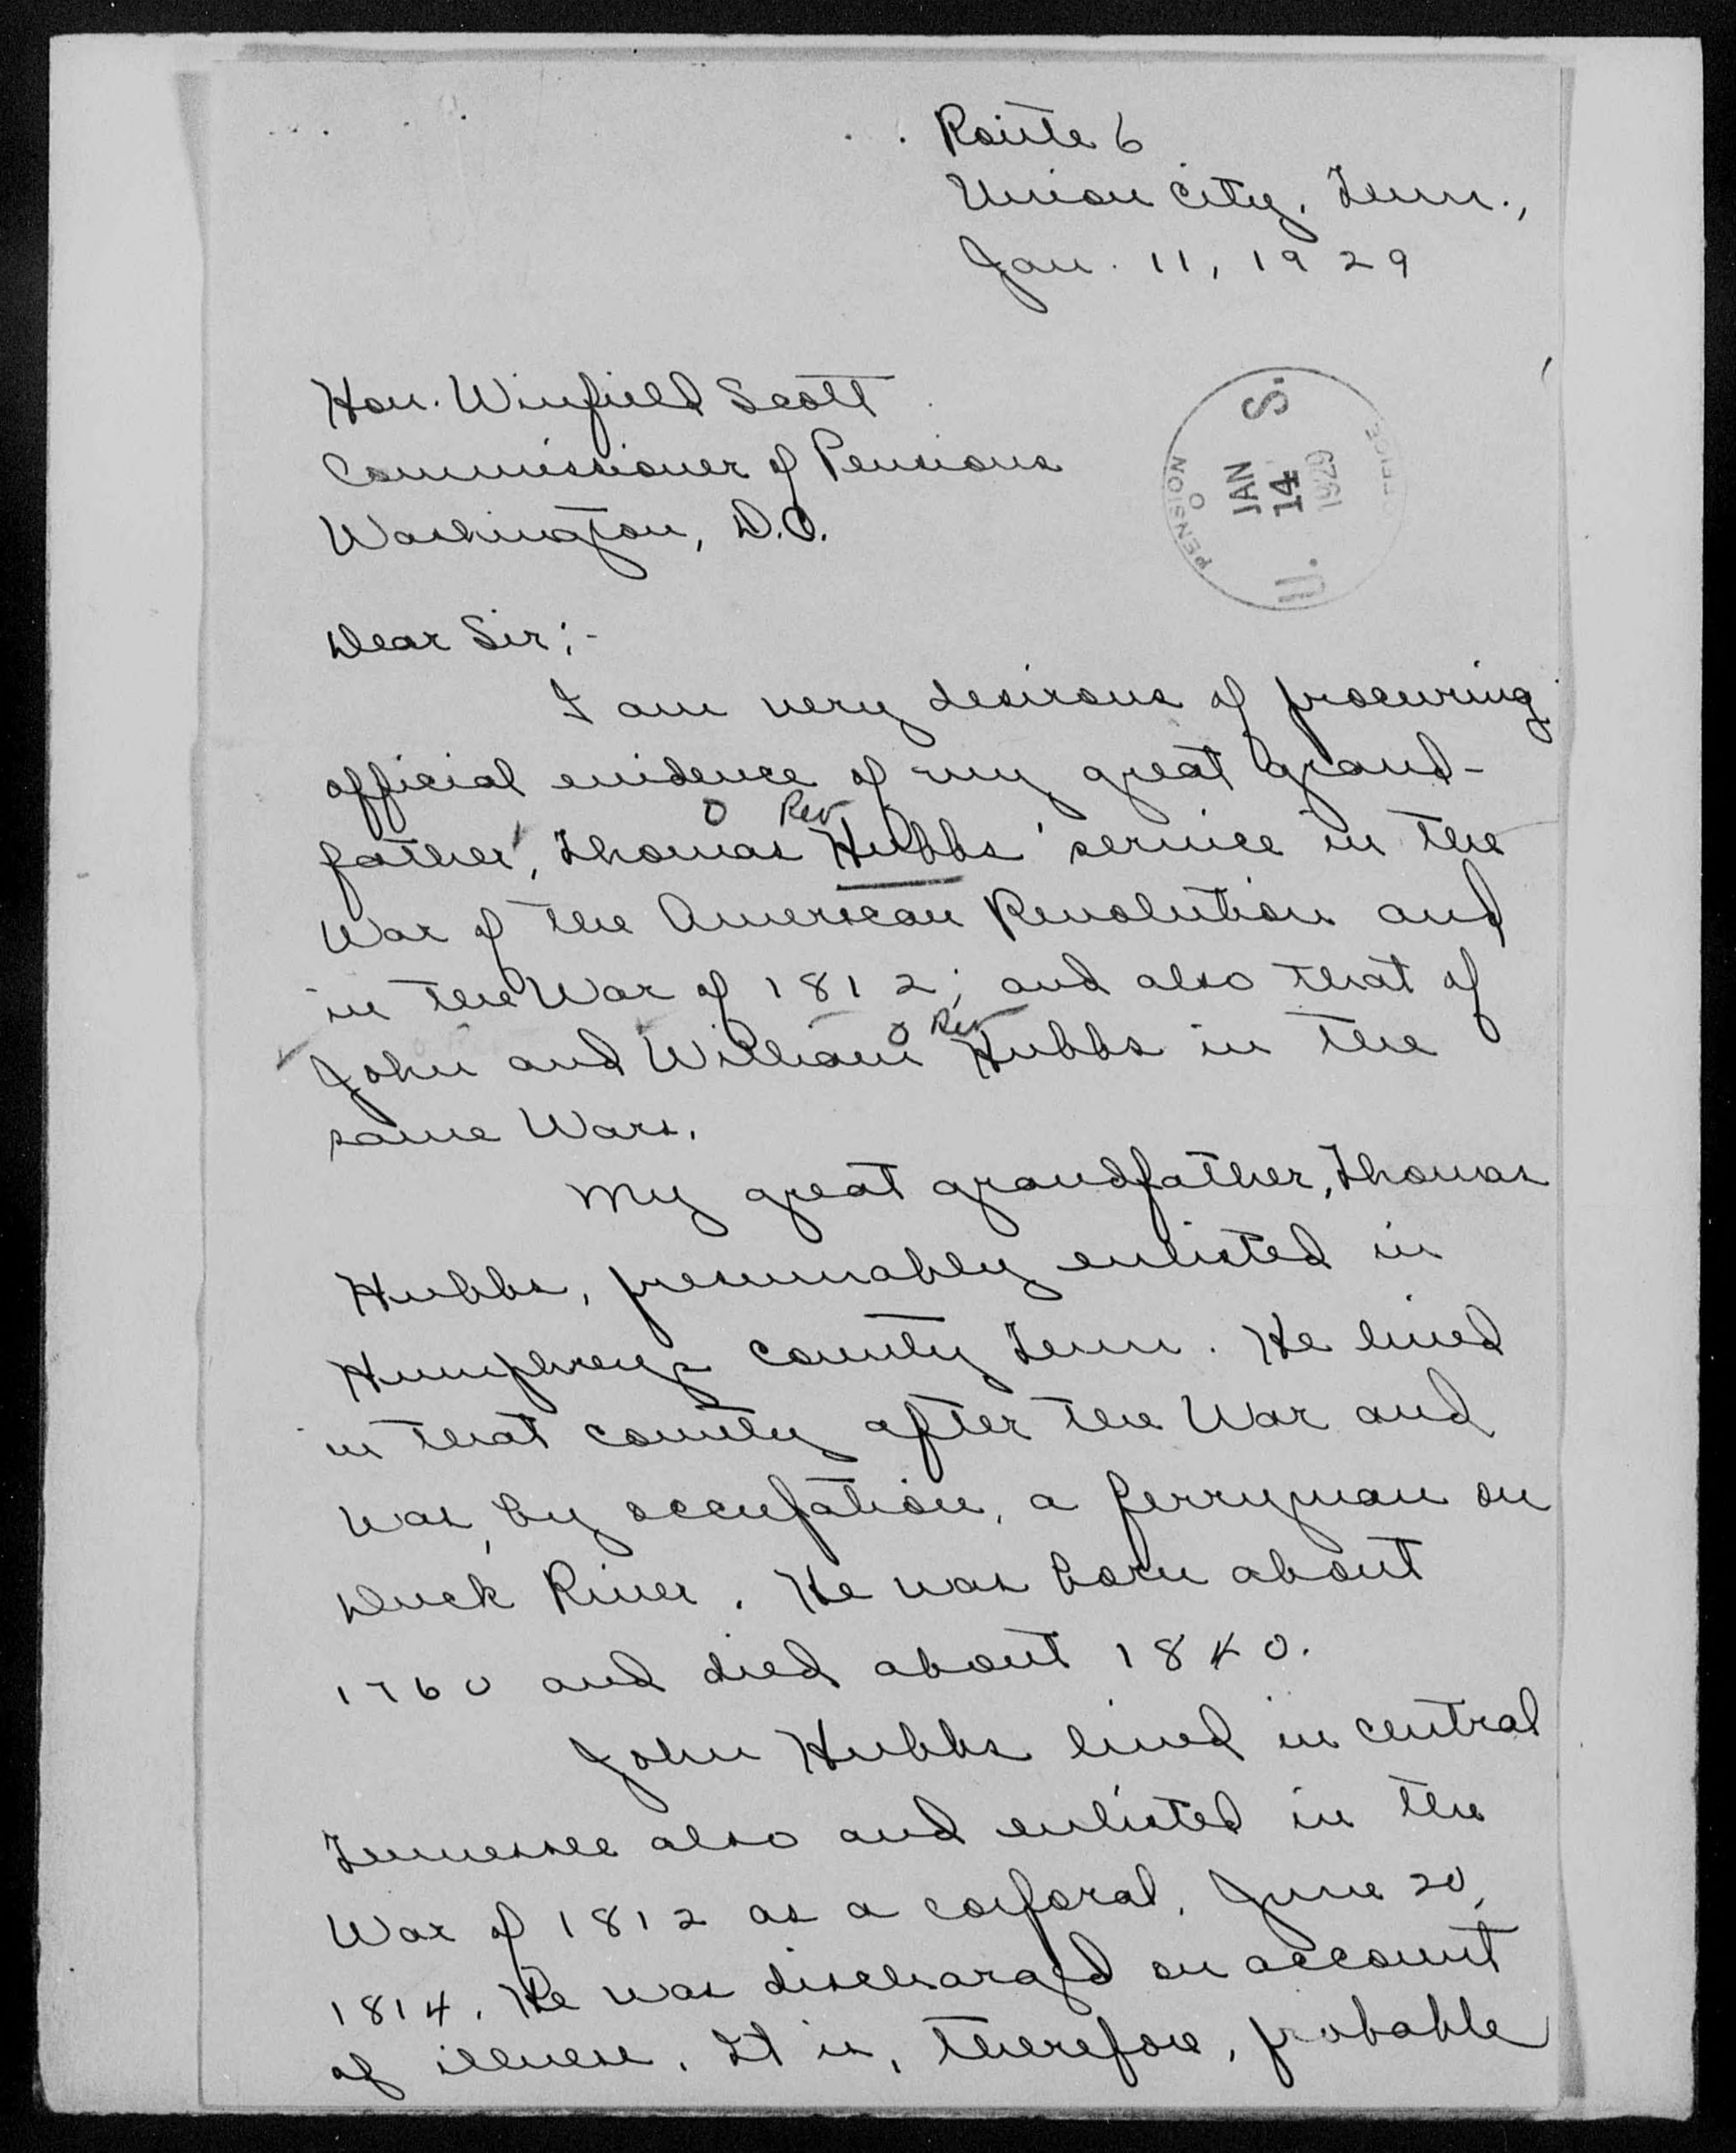Date Stamp - U.S. PENSION OFFICE
JAN 14 1929
--------------------------
Route 6 Union City, Tenn.
Jan 11, 1929

Hon. Winfield Scott
Commissioner of Pensions
Washington, D.C
Dear Sir:
I am very desirous of following official evidence of my great grandfather, Thomas (Rev.) Hubbs service in the War of the American Revolution and in the War of 1812; and also that of John and William (Rev) Hubbs in the same Wars.
My great grandfather, Thomas Hubbs, presumably enlisted in Humphreys County Tenn. He lived in that county after the War and was by occupation, a ferryman on Duck River. He was born about 1760 and died about 1840.
John Hubbs lived in central Tennessee also and enlisted in the War of 1812 as a corporal. June 20, 1814. He was discharged on account of illness, & is therefore, probable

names: Winfield Scott, John Hubbs, William Hubbs, Thomas Hubbs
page: 40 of 86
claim: widow's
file: W. 1035, John Hubbs, S.C.